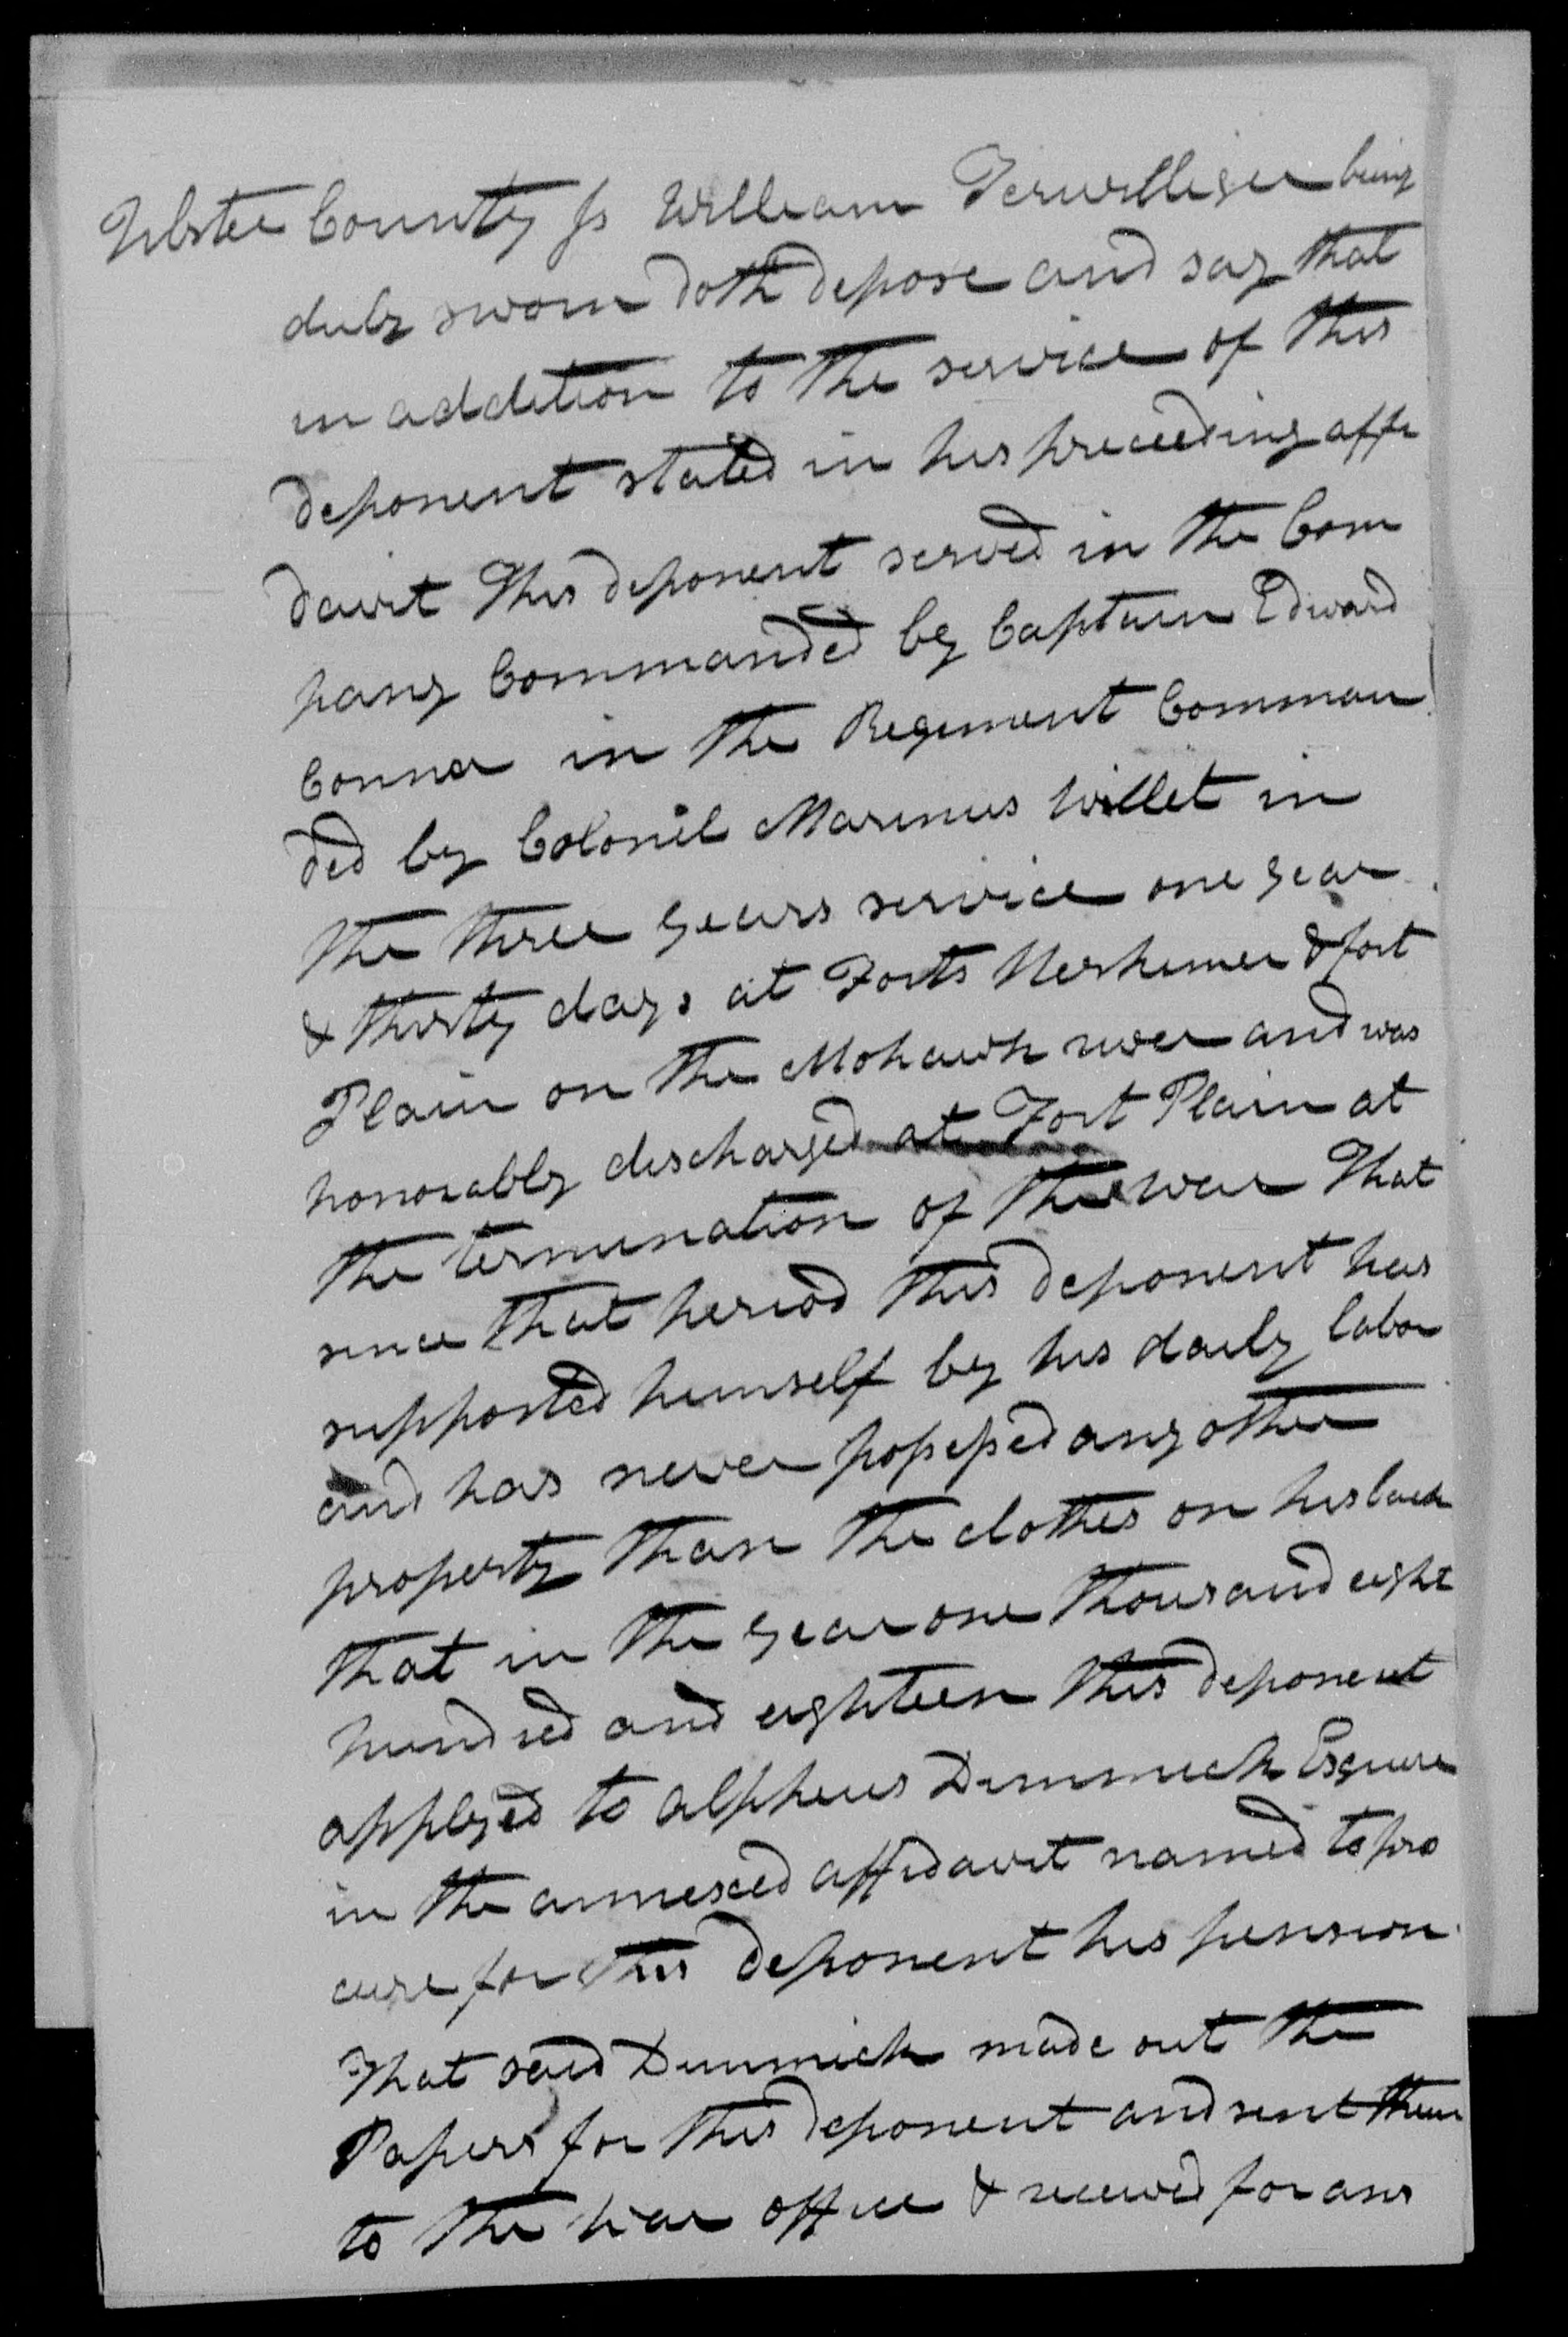Ulster County ss William Terwilliger being
duly sworn doth depose and say that
in addition to the service of this
deponent stated in his preceding affidavit this deponent served in the company commanded by Captain Edward
Conner in the Regiment command
d by Colonel Marinus Willet in
the three years service one year
thirty day, at Forts Herkimer & fort
Plain on the Mohawk river and was
honorably discharged at Fort Plain at
the termination of the war that
since that period this deponent has supported
himself by his daily labor
and has never possessed any other
property then the clothes on his back
that in the year one thousand eight
hundred and eighteen this deponent
applyed to Alpheus Dimmick Esquire
in the annexed affidavit named to pro
ure for this deponent his pension
That said Dimmick made out the
Paper for this deponent and sent them
to the war office & received for ans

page: 28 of 64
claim: survivor's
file: S. 42,464, for William Terwilliger, New York